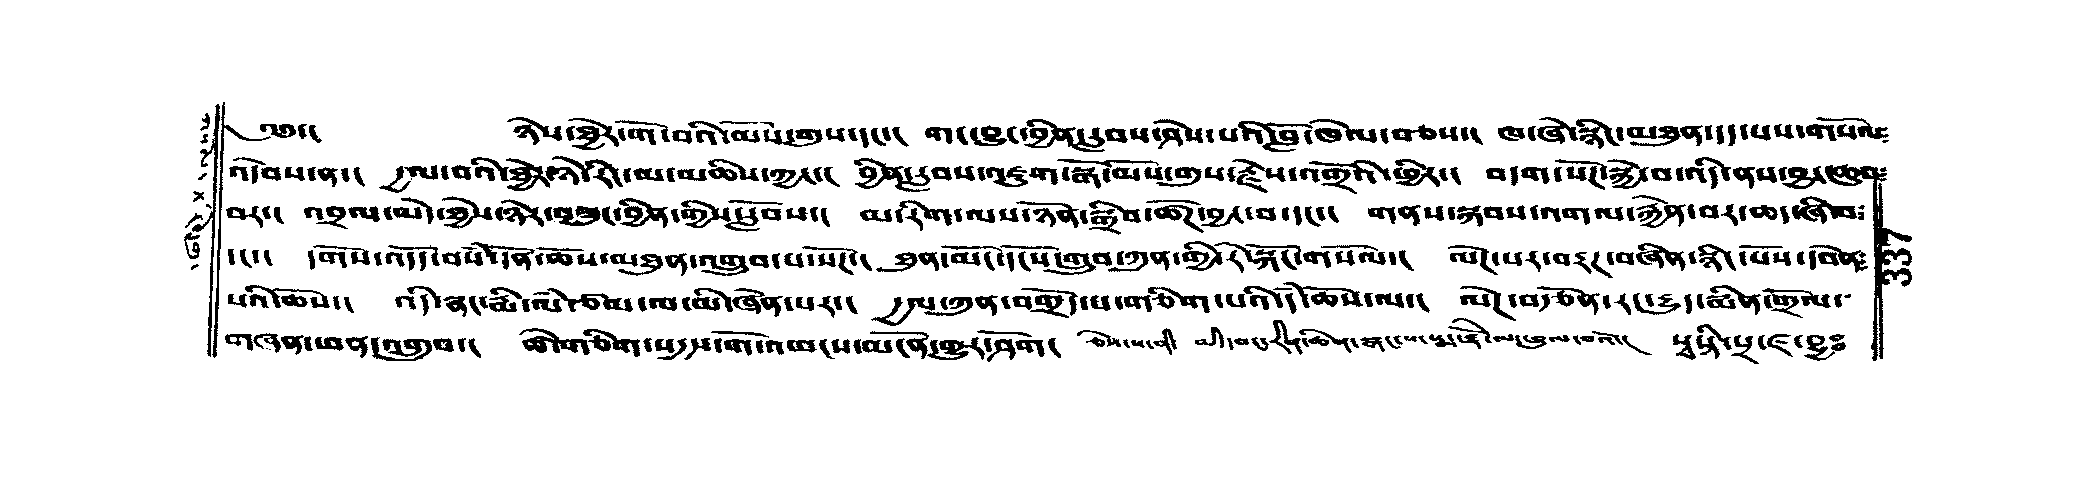ཉེས་ཐུགས་རྗེར་གོ་བའི་མོས་གུས་དང་། །གང་བྱུང་བྱིན་རླབས་ཤེས་པའི་བློ་ཁེལ་བཅས། །ཁ་ཞེ་སྙིང་མཐུན་དད་པས་གསོལ་
འདེབས་ན། །རྒྱལ་བའི་ཐུགས་རྗེར་ཉེ་རིང་མ་མཆིས་ཀྱང་། །བྱིན་རླབས་འཇུག་སྒོ་མོས་གུས་རྗེས་འགྲོའི་ཕྱིར། །བདག་སོགས་སྐྱེ་བ་འདི་ནས་བྱང་ཆུབ་
བར། །འབྲལ་མེད་ཐུགས་རྗེས་ཉེར་བཟུང་བྱིན་གྱིས་རློབས། །མ་རིག་ལས་ཉོན་སྒྲིབ་ཚོགས་བྱང་བ་དང་། །གནས་སྐབས་འགལ་རྐྱེན་བར་ཆད་ཞི་བ་
དང་། །དགོས་འདོད་བསམ་དོན་ཆོས་མཐུན་འགྲུབ་པ་སོགས། །ཐུན་མོང་དངོས་གྲུབ་ཀུན་གྱི་རེ་སྐོང་གསོལ། །ལེགས་པར་བརྟགས་བཞིན་སྙིང་པོས་དབེན་
པའི་ཆོས། །འདི་སྣང་རྨི་ལམ་ཙམ་ལ་མི་ཞེན་པར། །རྒྱལ་ཀུན་བགྲོད་པ་གཅིག་པའི་དམ་ཆོས་ལ། །ལེགས་བརྩོན་རང་རྒྱུད་སྨིན་གྲོལ་
གཞན་ཕན་འགྲུབ། །ཚེ་གཅིག་སངས་རྒྱས་གོ་འཕང་མངོན་གྱུར་ཤོག ཅེས་པ་ནི། མི་དབང་རིན་ཆེན་སྒང་པ་པདྨ་རྡོ་རྗེ་ལ་ཕུལ་བའོ།། སྭསྟི་པྲ་ཛྙཱ་བྷྱཿ